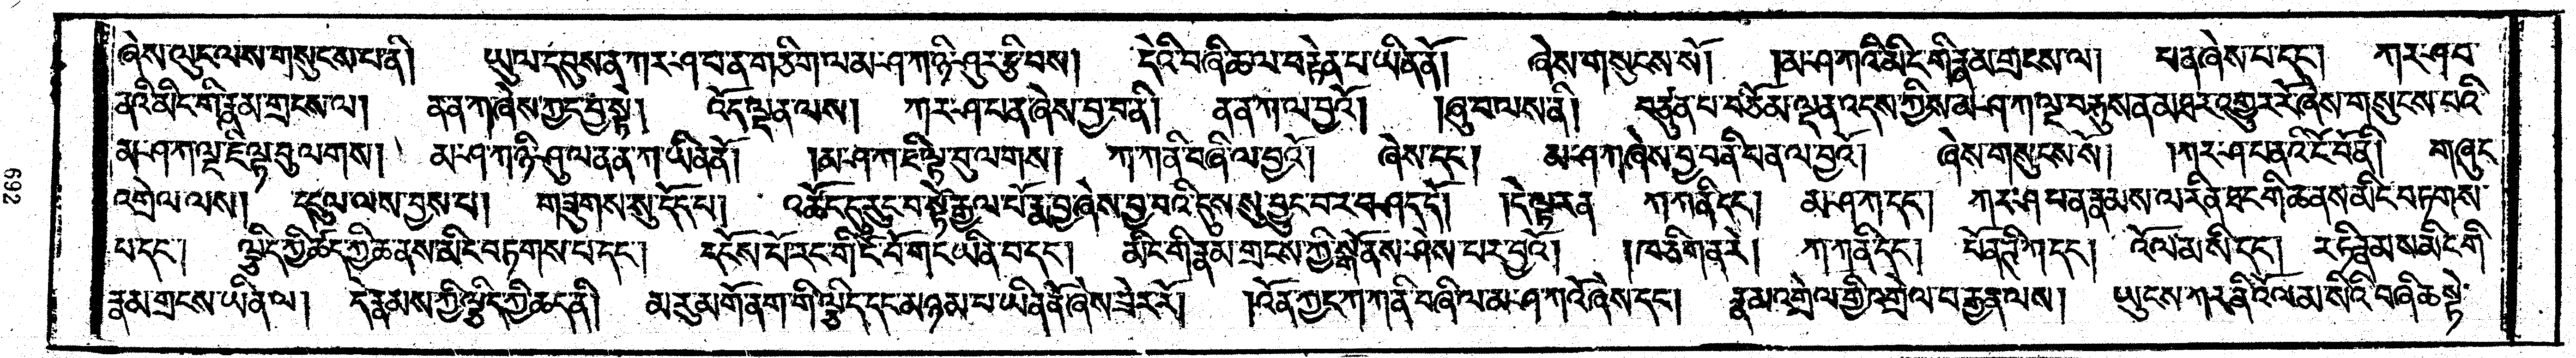ཞེས་ལུང་ལས་གསུངས་པ་ནི། ཡུལ་དབུས་ན་ཀར་ཤ་བ་ན་གཅིག་ལམ་ཤ་ཀ་ཉི་ཤུར་རྩིབས། དེའི་བཞི་ཆ་ལ་བརྟེན་པ་ཡིན་ནོ། ཞེས་གསུངས་སོ། །མ་ཤ་ཀའི་མིང་གི་རྣམ་གྲངས་ལ། བན་ཞེས་པ་དང་། ཀར་ཤ་བ་
ནའི་མིང་གི་རྣམ་གྲངས་ལ། ན་ན་ཀ་ཞེས་ཀྱང་བྱ་སྟེ། འོད་ལྡན་ལས། ཀར་ཤ་པ་ན་ཞེས་བྱ་བ་ནི། ན་ན་ཀ་ལ་བྱའོ། །ཞུ་བ་ལས་ནི། བཙུན་པ་བཅོམ་ལྡན་འདས་ཀྱིས་མ་ཤ་ཀ་ལྔ་བརྐུས་ན་མཐར་འགྱུར་རོ་ཞེས་གསུངས་པའི་
མ་ཤ་ཀ་ལྔ་ཇི་ལྟ་བུ་ལགས། མ་ཤ་ཀ་ཉི་ཤུ་ལ་ན་ན་ཀ་ཡིན་ནོ། །མ་ཤ་ཀ་ཇི་ལྟ་བུ་ལགས། ཀ་ཀ་ནི་བཞི་ལ་བྱའོ། ཞེས་དང་། མ་ཤ་ཀ་ཞེས་བྱ་བ་ནི་པ་ན་ལ་བྱའོ། ཞེས་གསུངས་སོ། །ཀར་ཤ་པ་ནའི་ངོ་བོ་ནི། གཞུང་
འགྲེལ་ལས། དངུལ་ལས་བྱས་པ། གཟུགས་སུ་དོད་པ། འཚོང་དུ་རུང་བ་སྟེ་རྒྱལ་པོ་རྨ་བྱ་ཞེས་བྱ་བའི་དུས་སུ་བྱུང་བར་བཤད་དོ། །དེ་ལྟར་ན་ཀ་ཀ་ནི་དང་། མ་ཤ་ཀ་དང་། ཀར་ཤ་པ་ན་རྣམས་ལ་རིན་ཐང་གི་ཆ་ནས་མིང་བཏགས་
པ་དང་། ལྕིད་ཀྱི་ཚད་ཀྱི་ཆ་ནས་མིང་བཏགས་པ་དང་། དངོས་པོ་རང་གི་ངོ་བོ་གང་ཡིན་པ་དང་། མིང་གི་རྣམ་གྲངས་ཀྱི་སྒོ་ནས་ཤེས་པར་བྱའོ། །ཁ་ཅིག་ན་རེ། ཀ་ཀ་ནི་དང་། པོན་ཊི་ཀ་དང་། འོལ་མ་སི་དང་། ར་ཧི་རྣམས་མིང་གི་
རྣམ་གྲངས་ཡིན་ལ། དེ་རྣམས་ཀྱི་ལྕིད་ཀྱི་ཆད་ནི། མ་རུ་མགོ་ནག་གི་ལྕིད་དང་མཉམ་པ་ཡིན་ནོ་ཞེས་ཟེར་རོ། །འོན་ཀྱང་ཀ་ཀ་ནི་བཞི་ལ་མ་ཤ་ཀའོ་ཞེས་དང་། རྣམ་འགྲེལ་གྱི་འགྲེལ་བ་རྒྱན་ལས། ཡུངས་ཀར་ནི་འོལ་མ་སིའི་བཞི་ཆ་སྟེ་